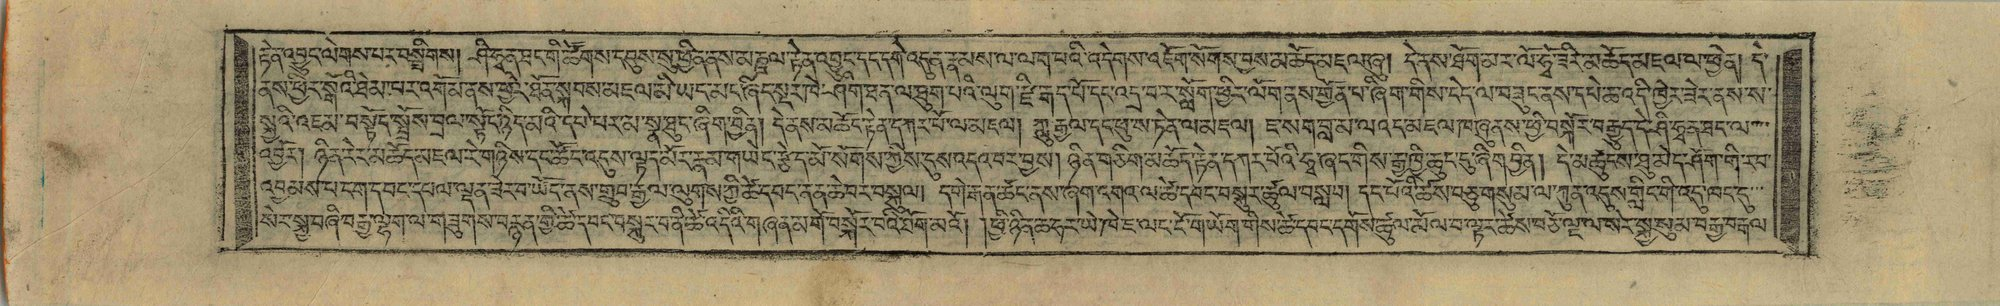རྟེན་འབྱུང་ལེགས་པར་བསྒྲིགས། ཤི་ཧྭན་ཐང་གི་ཚོགས་དབུས་སུ་ཕྱིན་ནས་མཎྜལ་རྟེན་འབྱུང་དང་དགེ་འདུན་རྣམས་ལ་ལག་པའི་འདེགས་འཇོག་སོགས་བྱས་མཆོད་མཇལ་ཞུ། དེ་ནས་ཐོག་མར་ལོ་ཧྭོ་ཟིར་མཆོད་མཇལ་ལ་ཕྱིན། དེ་
ནས་ཕྱིར་སྒོའི་ཐེམ་པར་འགོམ་ནས་ཕྱིར་ཐོན་སྐབས་མཇལ་མི་ཡང་མང་ཞིང་སྔར་ཁེ་ཤིག་ཐན་ལ་ཐུག་པའི་ལུག་རྫི་རྒད་པོ་དང་འདྲ་བ་ར་སློག་ཕྱིར་ལོག་ནས་གྱོན་པ་ཞིག་གིས་ངེད་ལ་བཟུང་ནས་དཔེ་ཆ་འདི་ཁྱེར་ཟེར་ནས་ས་
སྐྱའི་འཇམ་བསྟོད་སྤྲོས་བྲལ་སྟོང་ཉིད་མའི་དཔེ་པར་མ་སྣ་ཐུང་ཞིག་བྱིན། དེ་ནས་མཆོད་རྟེན་དཀར་པོ་ལ་མཇལ། ཀླུ་རྒྱལ་དང་ཕུ་ས་ཏེན་ལ་མཇལ། ཇ་སག་བླ་མ་ལའང་མཇལ་ཁ་ཞུ་ནས་ཕྱི་བསྐོར་བརྒྱུད་དེ་ཤི་ཧྭན་ཐང་ལ་
འབྱོར། ཉིན་རེར་མཆོད་མཇལ་རེ་གཉིས་དང་ཚོང་འདུས་ལྟད་མོར་རྣམ་གཡེང་རྩེད་མོ་སོགས་ཀྱིས་དུས་འདའ་བར་བྱས། ཉིན་གཅིག་མཆོད་རྟེན་དཀར་པོའི་ཧྭ་ཞང་གིས་རྒྱ་ཁྱི་ཆུང་དུ་ཞིག་བྱིན། དེ་མཚུངས་ཐུ་མེད་ཤོག་གི་རབ་
འབྱམས་པ་ངག་དབང་དཔལ་ལྡན་ཟེར་བ་ཡོང་ནས་གྲུབ་རྒྱལ་ལུགས་ཀྱི་ཚེ་དབང་ནན་ཆེ་བར་བསྐུལ། དགེ་རྒན་ཚང་ནས་ཞག་འགའ་ལ་ཚེ་དབང་བསྐུར་ཚུལ་བསླབ། དང་པོའི་ཚེས་བཅུ་གསུམ་ལ་ཀུན་འདུས་གླིང་གི་འདུ་ཁང་དུ་
སེར་སྐྱ་བཞི་བརྒྱ་ལྷག་ལ་གཟུགས་བརྙན་གྱི་ཚེ་དབང་བསྐུར་བ་ནི་ཚེ་འདིའི་གཞན་མགོ་བསྐོར་བའི་ཐོག་མའོ། །ཕྱི་ཉིན་ཆ་ཧར་ཡེ་ཁེ་ཇ་ལང་ངོ་གཡོག་གིས་ཚེ་དབང་དགོས་ཚུལ་མོལ་བ་ལྟར་ཚེས་བཅོ་ལྔ་ལ་སེར་སྐྱ་སུམ་བརྒྱ་བརྒལ་